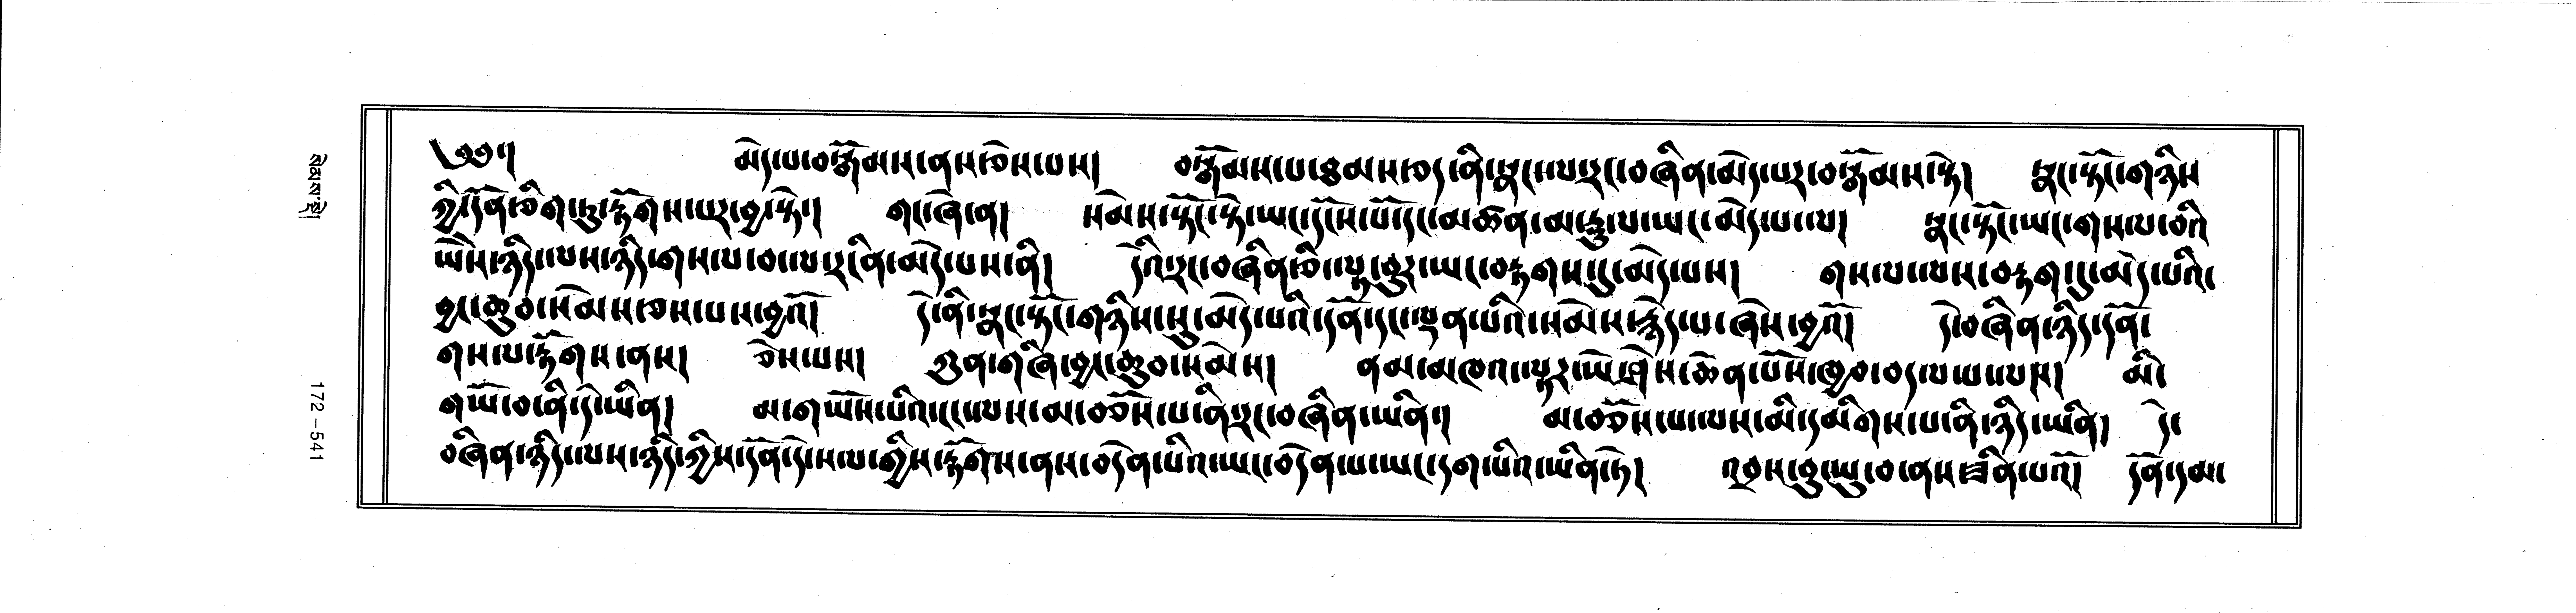མེད་པར་བསྒོམས་སྟེ། སྣང་སྟོང་གཉིས་
ཀྱི་དོན་ཅིག་ཏུ་རྟོགས་པར་བྱ་སྟེ། གང་ཞེ་ན། སེམས་སྟོང་སྟེ་ཡང་དངོས་པོ་དང་མཚན་མ་རྡུལ་ཡང་མེད་པ་ལ། སྣང་སྟོང་ཡང་གསལ་བའི་
ཡེ་ཤེས་ཉིད་ལས་ཉིད་གསལ་བ་ལ་རང་བཞིན་མེད་པས་ནི། དེའི་རང་བཞིན་ཅི་ལྟ་བུར་ཡང་བརྟགས་དུ་མེད་པས། གསལ་ལས་བརྟགས་དུ་མེད་པའི་
བྱང་ཆུབ་སེམས་ཅེས་པས་བྱའོ། དེ་ནི་སྣང་སྟོང་གཉིས་སུ་མེད་པའི་དོན་དང་ལྡན་པའི་སེམས་རྙེད་པ་ཞེས་བྱའོ། དེ་བཞིན་ཉིད་དོན་
གསལ་རྟོགས་ནས། ཅེས་པས། ཀུན་གཞི་བྱང་ཆུབ་སེམས། ནམ་མཁའ་ལྟར་ཡེ་ཤེས་ཆེན་པོ་ཁྱབ་བདལ་པ་ལས། མི་
གཡོ་བ་ནི་དེ་ཡིན། མ་གཡོས་པའི་ངང་ལས་མ་བཅོས་པ་ནི་རང་བཞིན་ཡིན། མ་བཅོས་པ་ལས་མི་དམིགས་པ་ནི་ཉིད་ཡིན། དེ་
བཞིན་ཉིད་ལས་ཉིད་ཀྱིས་དོན་དེ་སལ་གྱིས་རྟོགས་ནས་བདེན་པའི་ཡང་བདེན་པ་ཡང་དག་པའི་ཡིན་ཏེ། འབྲས་བུ་ཡུ་བ་ནས་ཟིན་པའོ། དོན་དམ་